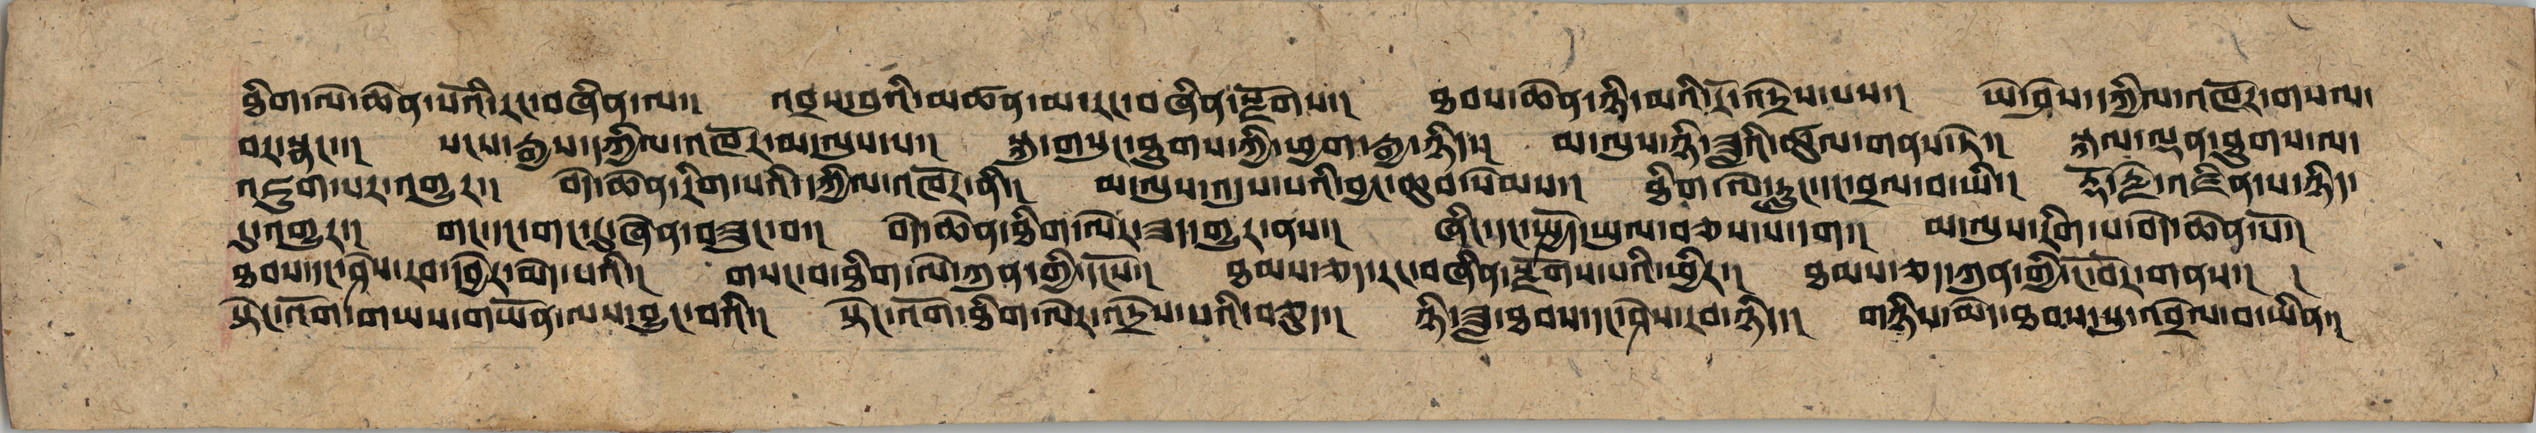ཐིག་ལེ་ཆེན་པོའི་རང་བཞིན་ལ་། འབྲས་བུའི་མཚན་མ་རང་བཞིན་སྫོགས་། ཐབས་ཆེན་ཉི་མའི་རོ་འདྲེས་པས་། ཡེ་ཤེས་དཀྱིལ་འཁོར་གསལ་
བར་སྣང་་། སངས་རྒྱས་དཀྱིལ་འཁོར་མ་ལུས་པ་། སྐུ་གསུང་ཐུགས་ཀྱི་ཕྱག་རྒྱ་ཉིད་། མ་ལུས་ཉི་ཟླའི་ཚུལ་གནས་ཏེ་། སྐལ་ལྡན་ཐུགས་ལ་
འཇུག་པར་འགྱུར་། བདེ་ཆེན་རིག་པའི་དཀྱིལ་འཁོར་ནི་། མ་ལུས་འདུས་པའི་བྱང་ཆུབ་སེམས་། ཐིག་ལེ་རླུང་དང་བྲལ་བ་ཡི་། རྡོ་རྗེ་འཛིན་པ་ཉིད་
དུ་འགྱུར་། གང་དང་གང་དུ་ཞེན་བཟུང་བ་། བདེ་ཆེན་ཐིག་ལེར་ཟད་གྱུར་ནས་། ཞིང་དང་སྤྱོད་ཡུལ་བཅས་པ་དག་། མ་ལུས་རིག་པ་བདེ་ཆེན་པོ་།
ཐབས་དང་ཤེས་རབ་དབྱེར་མེད་པའི་། གསང་བ་ཐིག་ལེ་ཀུན་གྱི་དངོས་། ཐམས་ཅད་རང་བཞིན་སྫོགས་པའི་ཕྱིར་། ཐམས་ཅད་ཀུན་གྱི་ངོ་བོར་གནས་། །
སྟེང་འོག་གཡས་གཡོན་ལས་བྱུང་བའི་། སྟེང་འོག་ཐིག་ལེར་འདྲེས་པའི་བཅུད་། ཉི་ཟླ་ཐབས་དང་ཤེས་རབ་ཉིད་། གཉིས་མེད་ཐབས་སུ་འབྲེལ་བ་ཡིན་།